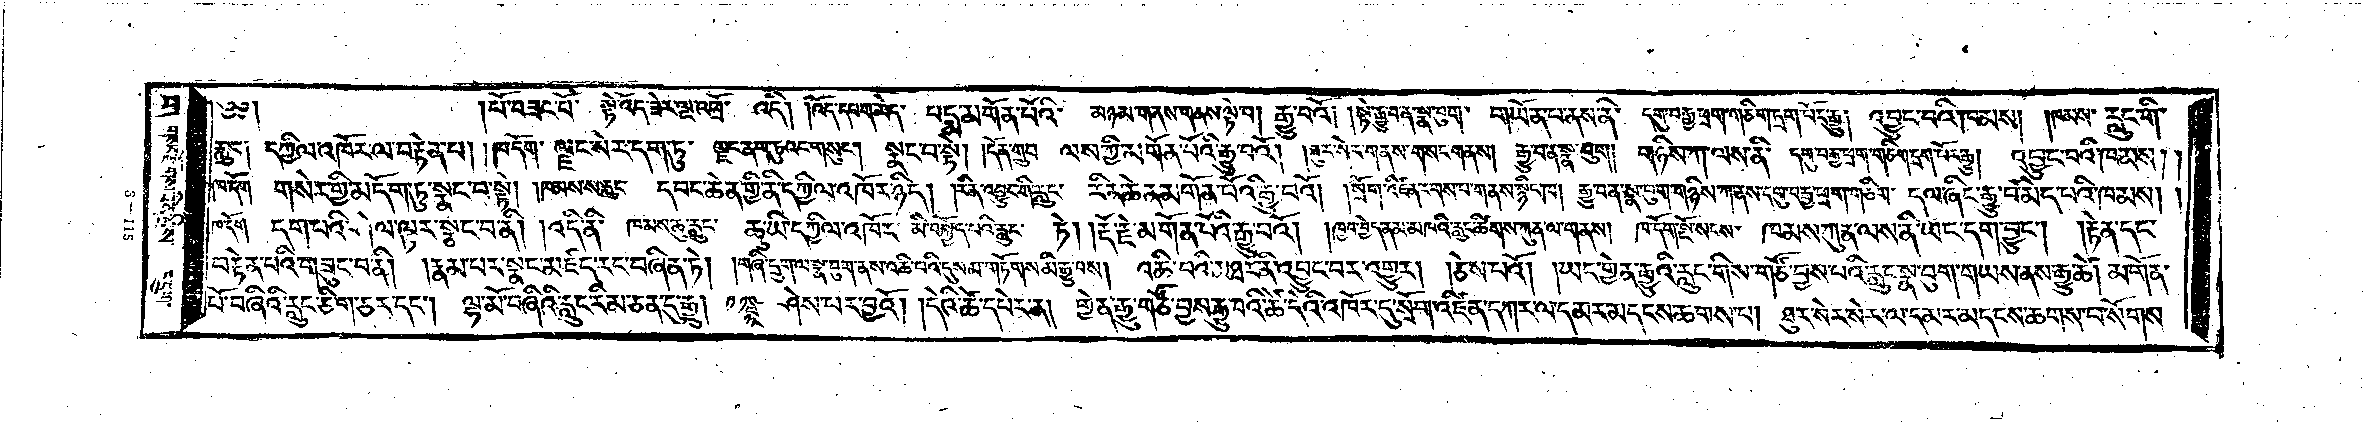༄༅། །པོ་བཟང་པོ་སྟེ་འོད་ཟེར་ལྔ་འཕྲོ་འདི། །འོད་དཔག་མེད་པདམ་མགོན་པོའི་མཉམ་གནས་གནས་ལྟེ་བ།  རྒྱུ་བའོ། །སྟེ་རྒྱུ་བ་ན་སྣ་བུག་གཡོན་པ་ནས་ནི་དགུ་བརྒྱ་ཕྲག་གཅིག་དྲག་པོར་རྒྱུ།  འབྱུང་བའི་ཁམས། །ཁམས་རླུང་གི་
རླུང་།  དཀྱིལ་འཁོར་ལ་བརྟེན་པ། །ཁ་དོག་ལྗང་སེར་དག་ཏུ་ལྗང་ནག་ཏུའང་གསུང་།  སྣང་བ་སྟེ། །དོན་གྲུབ་ལས་ཀྱི་མགོན་པོའི་རྒྱུ་བའོ། །ཐུར་སེར་གནས་གསང་གནས། རྒྱུ་བ་ན་སྣ་བུག།  གཉིས་ཀ་ལས་ནི་དགུ་བརྒྱ་ཕྲག་གཅིག་དྲག་པོར་རྒྱུ།  འབྱུང་བའི་ཁམས། །
ཁ་དོག་གསེར་གྱི་མདོག་ཏུ་སྣང་བ་སྟེ། །ཁམས་ས་རླུང་དབང་ཆེན་གྱི་ནི་དཀྱིལ་འཁོར་ཉིད། །རིན་འབྱུང་གི་རླུང་རིན་ཆེན་མགོན་པོའི་རྒྱུ་བའོ། །སྲོག་འཛིན་རགས་པ་གནས་སྙིང་ཁ། རྒྱུ་བ་ན་སྣ་བུག་གཉིས་ཀ་ནས་དགུ་བརྒྱ་ཕྲག་གཅིག་དལ་ཞིང་རྒྱུ་བ་མེད་པའི་ཁམས། །
ཁ་དོག་དག་པའི་གེལ་ལྟར་སྣང་བ་ནི། །འདི་ནི་ཁམས་ཆུ་རླུང་ཆུ་ཡི་དཀྱིལ་འཁོར་མི་བསྐྱེད་པའི་རླུང་ཏེ། །རྡོ་རྗེ་མགོན་པོའི་རྒྱུ་བའོ། །ཁྱབ་འབྱེད་ནམ་མཁའི་རླུང་ཚིགས་ཀུན་ལ་གནས། ཁ་དོག་སྔོ་སངས་ཁམས་ཀུན་ལས་ནི་ཡང་དག་བྱུང་། །རྟེན་དང་
བརྟེན་པའི་གཟུང་བ་ནི། །རྣམ་པར་སྣང་མཛད་རང་བཞིན་ཏེ། །གཞི་དྲུག་ལ་སྣ་བུག་ནས་འཆི་བའི་དུས་མ་གཏོགས་མི་རྒྱུ་བས།  འཆི་བའི་མཐར་ནི་འབྱུང་བར་འགྱུར། །ཅེས་པའོ། །ཡང་གྱེན་རྒྱུའི་རླུང་གིས་གཙོ་བྱས་པའི་རླུང་སྣ་བུག་གཡས་ནས་རྒྱུ་ཚེ། མགོན་
པོ་བཞིའི་རླུང་ཅིག་ཅར་དང་། ལྷ་མོ་བཞིའི་རླུང་རིམ་ཅན་དུ་རྒྱུ། ༡༡༤་ཤེས་པར་བྱའོ། །དེའི་ཚེ་དཔེར་ན། གྱེན་རྒྱུ་གཙོ་བྱས་རྒྱུ་བའི་ཚེ་དེའི་འཁོར་དུ་སྲོག་འཛིན་དཀར་ལ་དམར་མདངས་ཆགས་པ། ཐུར་སེར་སེར་ལ་དམར་མདངས་ཆགས་པ་སོགས་